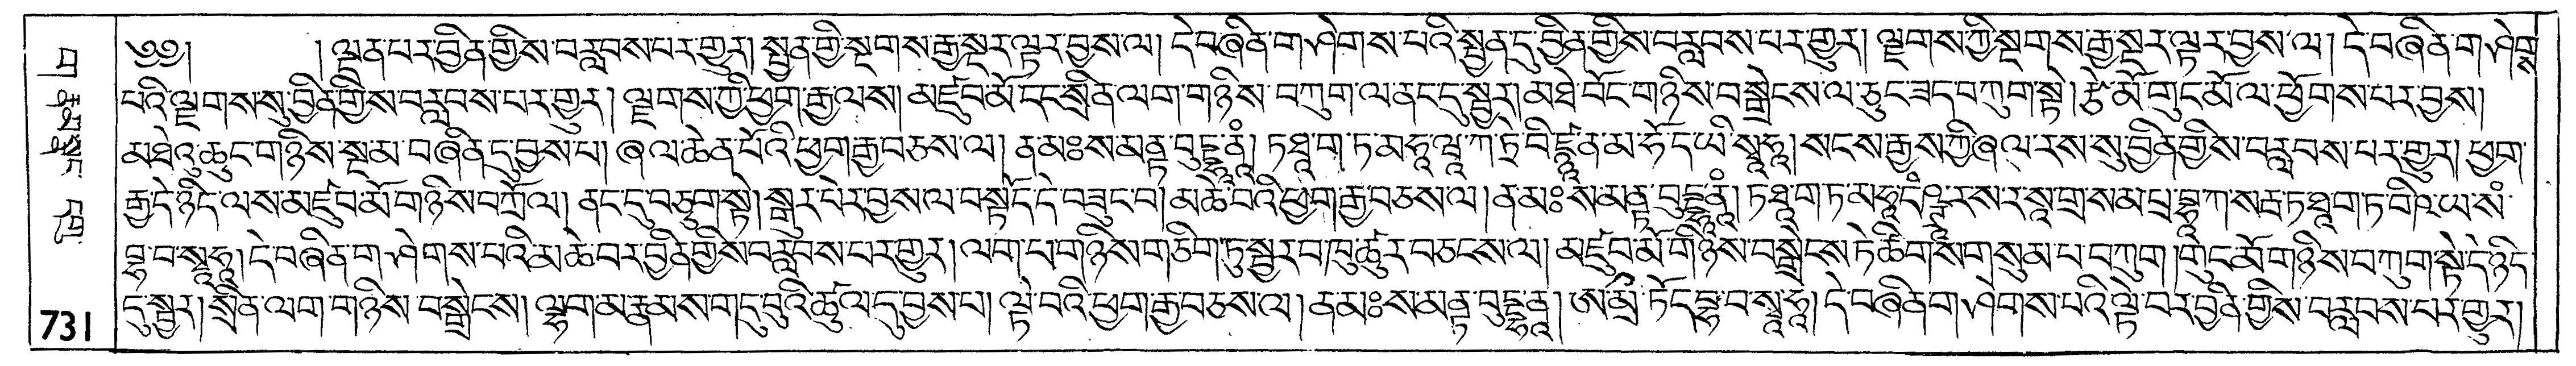༄༅། །ལྡན་པར་བྱིན་གྱིས་བརླབས་པར་གྱུར། སྤྱན་གྱི་སྔགས་རྒྱ་སྔར་ལྟར་བྱས་ལ། དེ་བཞིན་གཤེགས་པའི་སྤྱན་དུ་བྱིན་གྱིས་བརླབས་པར་གྱུར། ལྗགས་ཀྱི་སྔགས་རྒྱ་སྔར་ལྟར་བྱས་ལ། དེ་བཞིན་གཤེགས་
པའི་ལྗགས་སུ་བྱིན་གྱིས་བརླབས་པར་གྱུར། ལྗགས་ཀྱི་ཕྱག་རྒྱ་ལས། མཛུབ་མོ་དང་སྲིན་ལག་གཉིས་བཀུག་ལ་ནང་དུ་སྦྱར། མཐེ་བོང་གཉིས་བསྒྲེངས་ལ་ཅུང་ཟད་བཀུག་སྟེ། རྩེ་མོ་གུང་མོ་ལ་ཕྱོགས་པར་བྱས།
མཐེའུ་ཆུང་གཉིས་སྔ་མ་བཞིན་དུ་བྱས་པ། ཞལ་ཆེན་པོའི་ཕྱག་རྒྱ་བཅས་ལ། ན་མཿ ས་མནྟ་བུདྡྷཱ་ནཱཾ། ཏ་ཐཱ་ག་ཏ་མཧཱ་ཝཱ་ཀ་ཏྲེ་བི་ཛྙཱ་ན་མ་ཧོ་ད་ཡི་སྭཱཧཱ། སངས་རྒྱས་ཀྱི་ཞལ་རས་སུ་བྱིན་གྱིས་བརླབས་པར་གྱུར། ཕྱག་
རྒྱ་དེ་ཉིད་ལས་མཛུབ་མོ་གཉིས་བཀྲོལ། ནང་དུ་བཅུག་སྟེ། སྒུར་པེར་བྱས་ལ་བསྟོད་དེ་བཟུང་བ། མཆེ་བའི་ཕྱག་རྒྱ་བཅས་ལ། ན་མཿ ས་མནྟ་བུདྡྷཱ་ནཱཾ། ཏ་ཐཱ་ག་ཏ་མཧཱ་དཾཥྚྲཱ་ར་ས་ར་སཱ་གྲ་ས་མ་པྲ་བྷཱ་ཀ་སརྦ་ཏ་ཐཱ་ག་ཏ་བི་ཥ་ཡ་སཾ་
བྷ་བ་སྭཱཧཱ། དེ་བཞིན་གཤེགས་པའི་མཆེ་བར་བྱིན་གྱིས་བརླབས་པར་གྱུར། ལག་པ་གཉིས་གཅིག་ཏུ་སྦྱར་བ་ཁུ་ཚུར་བཅངས་ལ། མཛུབ་མོ་གཉིས་བསྒྲེངས་ཏེ་ཚིགས་གསུམ་པ་བཀུག །གུང་མོ་གཉིས་བཀུག་སྟེ་དེ་ཉིད་
དུ་སྦྱར། སྲིན་ལག་གཉིས་བསྒྲེངས། ལྷག་མ་རྣམས་གདུ་བུའི་ཚུལ་དུ་བྱས་པ། ལྟེ་བའི་ཕྱག་རྒྱ་བཅས་ལ། ན་མཿ ས་མནྟ་བུདྡྷ་ནཱ། ཨ་མྲྀ་ཏོད་བྷ་བ་སྭཱཧཱ། དེ་བཞིན་གཤེགས་པའི་ལྟེ་བར་བྱིན་གྱིས་བརླབས་པར་གྱུར།